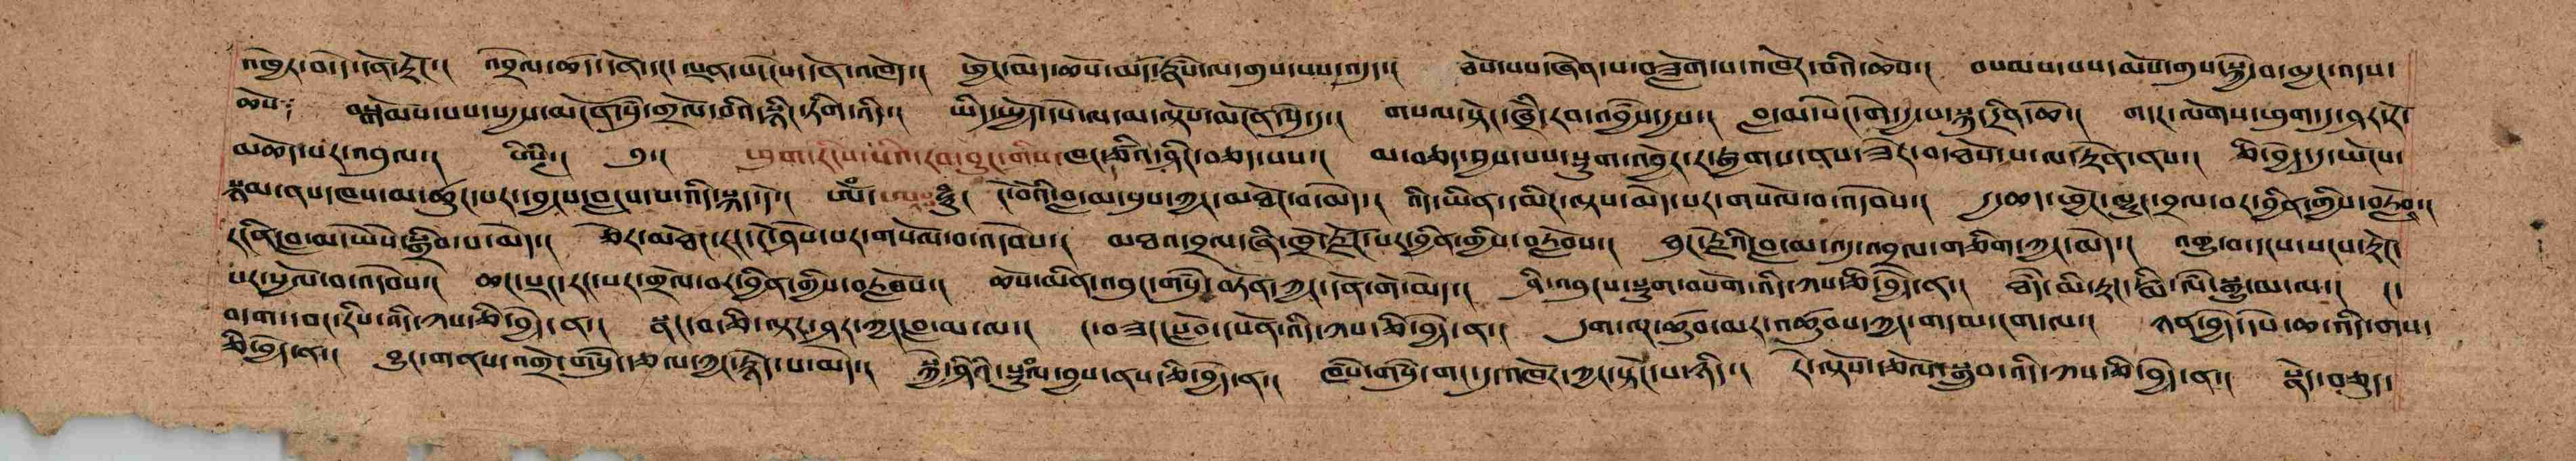འཁྱེར་བ་དེ་དོན་རྟོགས། འབྲེལ་ཚད་དོན་དང་ལྡན་པ་ངེས་དོན་འཁོད། ཕྱོགས་མེད་ཆོས་མཛོད་རྣམས་ལ་གུས་པས་འདུད། ཐོས་པས་ཞེན་པ་བཟློག་པ་འཁོར་བའི་ཆོས། བསམས་པས་མོས་གུས་སྐྱེ་བ་མྱང་འདས་
ཆོས༑ བསྒོམས་པས་སངས་རྒྱས་མངོན་གསུམ་གྲོལ་བའི་སྙིང་ཏིག་འདི། ཡིད་སྤྱོད་དཔེ་ལ་མ་ལྟོས་མངོན་སུམ་དུ། གསལ་སྟོང་ཞི་ཁྲོ་རབ་འབྱམས་རྒྱས། བླ་མ་སེང་གེ་རྒྱ་པ་སྐུ་དྲིན་ཆེ། གདགས་ལོགས་ཕུག་དུ་ཤར་རོ་
མཆོད་པར་འབུལ། ཨིཊི། ༄་། ཕུག་རིངས་པའི་རབ་བྱུང་གིས་ཁང་ཙིའ་ཤིང་བཅད་པས། མ་བཅད་བྱས་པས་སྡུག་འབྱོར་ར་རྒྱགས་ནས་ཟེར་བ་ཐོས་པ་ལ་རྟེན་ནས། ཅི་བྱེད་དུ་ཡོངས་
སྙམ་ནས་ཁས་མ་ཚུགས་པར་དབྱངས་བླངས་པ་འདི་སྐད་དོ། ཨོཾ་ཨཱཿཧཱུཾ། ངོ་བོའི་བླ་མ་སུས་ཀྱང་མཐོང་བ་མེད། འདི་ཡིན་དམིགས་ལྟས་མེད་པར་གསོལ་བ་འདེབས། རྒྱ་ཆད་ཕྱོགས་ལྷུང་བྲལ་བར་བྱིན་གྱིས་བརློབས། 
རང་བཞིན་བླ་མ་ཡེ་ཤེས་སྒྲིབ་པ་མེད། ཅེར་མཐོང་རང་ངོ་ཤེས་པར་གསོལ་བ་འདེབས། མཐའ་བྲལ་ཞི་ཁྲོ་རྫོགས་པར་བྱིན་གྱིས་བརློབས། ཐུགས་རྗེའི་བླ་མ་འདུ་འབྲལ་གཅིག་ཀྱང་མེད། འགྱུ་བ་དངས་སངས་རྟོགས་
པར་གསོལ་བ་འདེབས། ཆགས་སྡང་རང་སར་གྲོལ་བར་བྱིན་གྱིས་བརློབས། ཆོས་མིན་འབུང་གསུམ་བཏོན་ཀྱང་དོན་གོ་མེད། ཤི་འབུངས་སྡུག་བསོག་འདི་ཀས་ཅི་བྱེད་ན། ཐམས་ཅད་མི་རྟགས་རྨི་ལམ་སྒྱུ་མ་ལ། ང་
བདག་བང་རིས་འདི་ཀས་ཅི་བྱེད་ན། སྣང་བ་ཅི་ལྟར་ཤར་ཀྱང་བླ་མ་ལ། ང་བཟང་སློབ་དཔོན་འདི་ཀས་ཅི་བྱེད་ན། དུག་ལྔ་ཚུབ་མར་འཚུབས་ཀྱང་གདམ་ངག་ལ། ཉན་བྱེད་དཔེ་ཆ་འདི་གས་
ཅི་བྱེད་ན། བྱུང་གནས་འགྲོ་གསུམ་རྩལ་ཀྱང་རྙེད་པ་མེད། སྐྱེ་ཤིའི་སྡུག་བསྔལ་བྱས་ནས་ཅི་བྱེད་ན། ཁམས་གསུམ་གང་དུ་འཁོར་ཀྱང་སྟོང་པ་ཉིད། རེ་ལྟོས་རྩོལ་སྒྲུབ་འདི་ཀས་ཅི་བྱེད་ན། སྣོད་བཅུད་